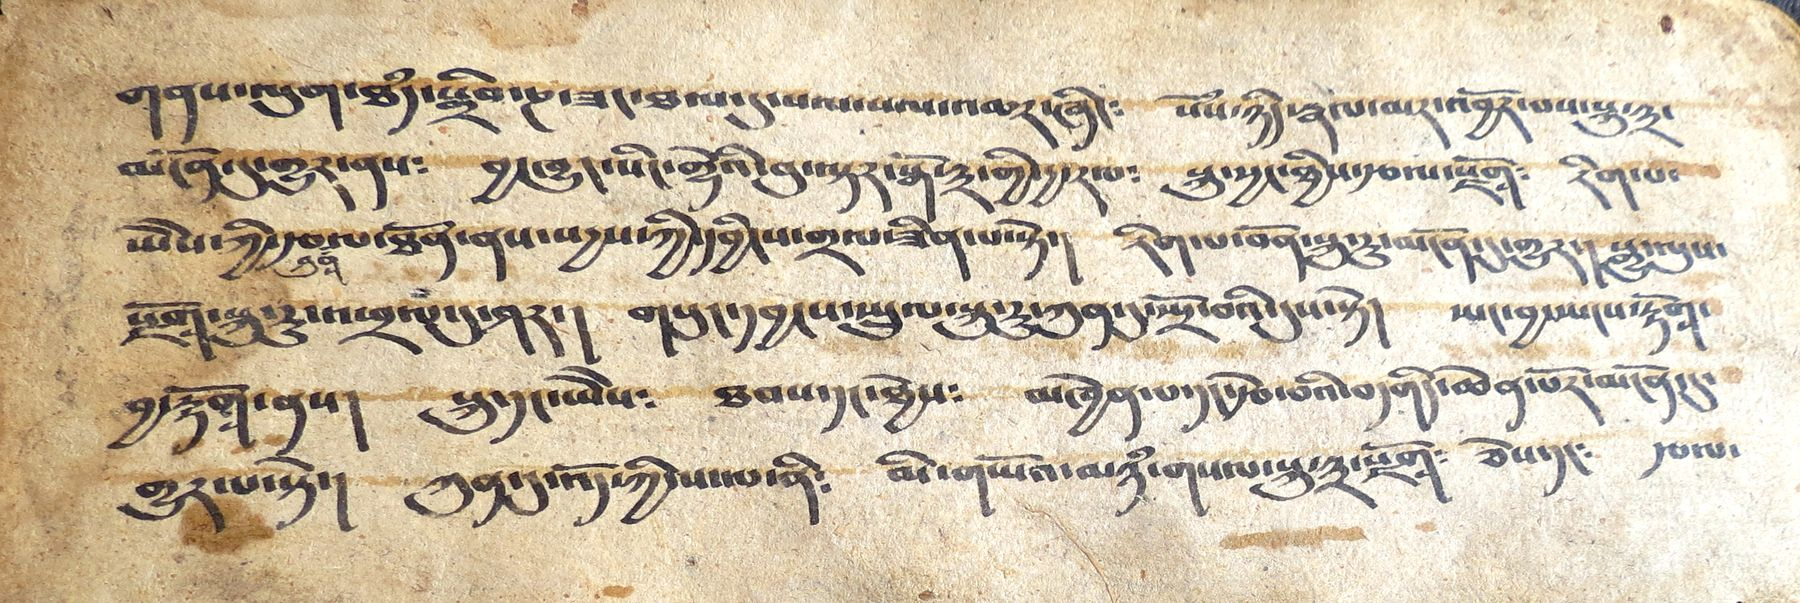གནས་ལུགས་ཐམས་ཅད་སྒྲིབ་མེད་ཟང་ཐལ་དུ་སལ་སལ་འཆར་ཞིང་། སེམས་ཉིད་རྣལ་མར་འབྱོར་བས་སྐུ་གསུམ་
མངོན་དུ་གྱུར་ནས། བྱ་ཁྱུང་སེང་གེའི་བུ་ལྟར་སྒོ་གསུམ་གྱི་རྒྱ་རལ། སྐུ་གསུང་ཐུགས་ཀྱི་རྩལ་རྫོགས། རིག་པ་
ཡེ་ཤེས་ཀྱི་ཤུགས་ཐོན་ནས། སངས་རྒྱས་ཀྱི་དབྱིངས་གྲལ་ཟིན་པ་སྟེ། རིག་པ་བོན་སྐུ་རུ་མངོན་དུ་གྱུར། སྒྱུ་ལུས་
རྫོགས་སྐུ་རུ་འཕྲལ་དུ་ཤར། གསུངས་དབྱངས་སྤྲུལ་སྐུ་རུ་ཀུན་ཏུ་སྤྲོ་བའི་དུས་ཏེ། ཡང་བྱ་སྤངས། རྟོགས་
བྱ་རྟོགས་ནས། སྐུ་དང་ཡེ་ཤེས། ཐབས་དང་ཐུགས་རྗེ། མཁྱེན་པ་དང་བརྩེ་བའི་བདག་ཉིད་ཆེན་པོར་མངོན་དུ་
གྱུར་པ་སྟེ། ཀུན་ཏུ་འོད་ཀྱི་ས་ལ་ནི། མི་གཡོ་མཉམ་གསལ་སྐུ་གསུམ་རྫོགས། ཞེས་དང་། རྩལ་